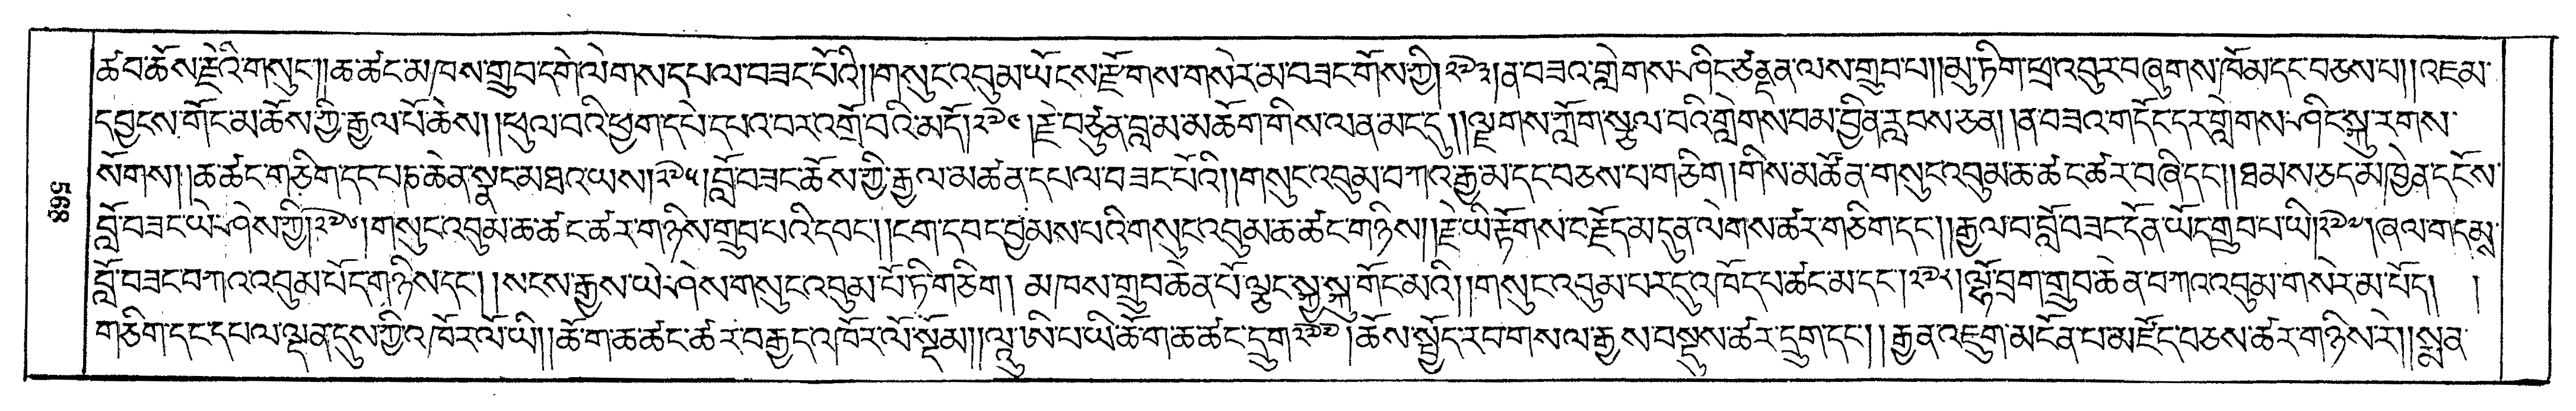ཚབ་ཆོས་རྗེའི་གསུང་། །ཆ་ཚང་མཁས་གྲུབ་དགེ་ལེགས་དཔལ་བཟང་པོའི། །གསུང་འབུམ་ཡོངས་རྫོགས་གསེར་མ་བཟང་གོས་ཀྱི། ༢༧༣་།ན་བཟའ་གླེགས་ཤིང་ཙནྡན་ལས་གྲུབ་པ། །མུ་ཏིག་ཕྲ་འབུར་བཞུགས་ཁོམ་དང་བཅས་པ། །འཇམ་
དབྱངས་གོང་མ་ཆོས་ཀྱི་རྒྱལ་པོ་ཆེས། །ཕུལ་བའི་ཕྱག་དཔེ་དཔའ་བར་འགྲོ་བའི་མདོ། ༢༧༤་།རྗེ་བཙུན་བླ་མ་མཆོག་གིས་ལན་མང་དུ། །ལྗགས་ཀློག་སྩལ་བའི་གླེགས་བམ་བྱིན་རླབས་ཅན། །ན་བཟའ་གདོང་དར་གླེགས་ཤིང་སྐུ་རགས་
སོགས། །ཆ་ཚང་གཅིག་དང་པཎ་ཆེན་སྣང་མཐའ་ཡས། ༢༧༥་།བློ་བཟང་ཆོས་ཀྱི་རྒྱལ་མཚན་དཔལ་བཟང་པོའི། །གསུང་འབུམ་བཀའ་རྒྱ་མ་དང་བཅས་པ་གཅིག །གིས་མཚོན་གསུང་འབུམ་ཆ་ཚང་ཚར་བཞི་དང་། །ཐམས་ཅད་མཁྱེན་དངོས་
བློ་བཟང་ཡེ་ཤེས་ཀྱི། ༢༧༦་།གསུང་འབུམ་ཆ་ཚང་ཚར་གཉིས་གྲུབ་པའི་དབང་། །ངག་དབང་བྱམས་པའི་གསུང་འབུམ་ཆ་ཚང་གཉིས། །རྗེ་ཡི་རྟོགས་བརྗོད་མདུན་ལེགས་ཚར་གཅིག་དང་། །རྒྱལ་བ་བློ་བཟང་དོན་ཡོད་གྲུབ་པ་ཡི། ༢༧༧་།ཞལ་གདམས་
བློ་བཟང་བཀའ་འབུམ་པོད་གཉིས་དང་། །སངས་རྒྱས་ཡེ་ཤེས་གསུང་འབུམ་པོ་ཏི་གཅིག། མཁས་གྲུབ་ཆེན་པོ་ལྕང་སྐྱ་སྐུ་གོང་མའི། །གསུང་འབུམ་པར་དུ་འཁོད་པ་ཚང་མ་དང་། ༢༧༨་།ལྷོ་བྲག་གྲུབ་ཆེན་བཀའ་འབུམ་གསེར་མ་བོད། །
གཅིག་དང་དཔལ་ལྡན་དུས་ཀྱི་འཁོར་ལོ་ཡི། །ཆོ་ག་ཆ་ཚད་ཚར་བརྒྱད་འཁོར་ལོ་སྡོམ། །ལཱུ་ཨི་པ་ཡི་ཆོ་ག་ཆ་ཚང་དྲུག ༢༧༧་།ཆོས་སྤྱོད་རབ་གསལ་རྒྱས་བསྡུས་ཚར་དྲུག་དང་། །རྒྱན་འཇུག་མངོན་པ་མཛོད་བཅས་ཚར་གཉིས་རེ། །སྨན་